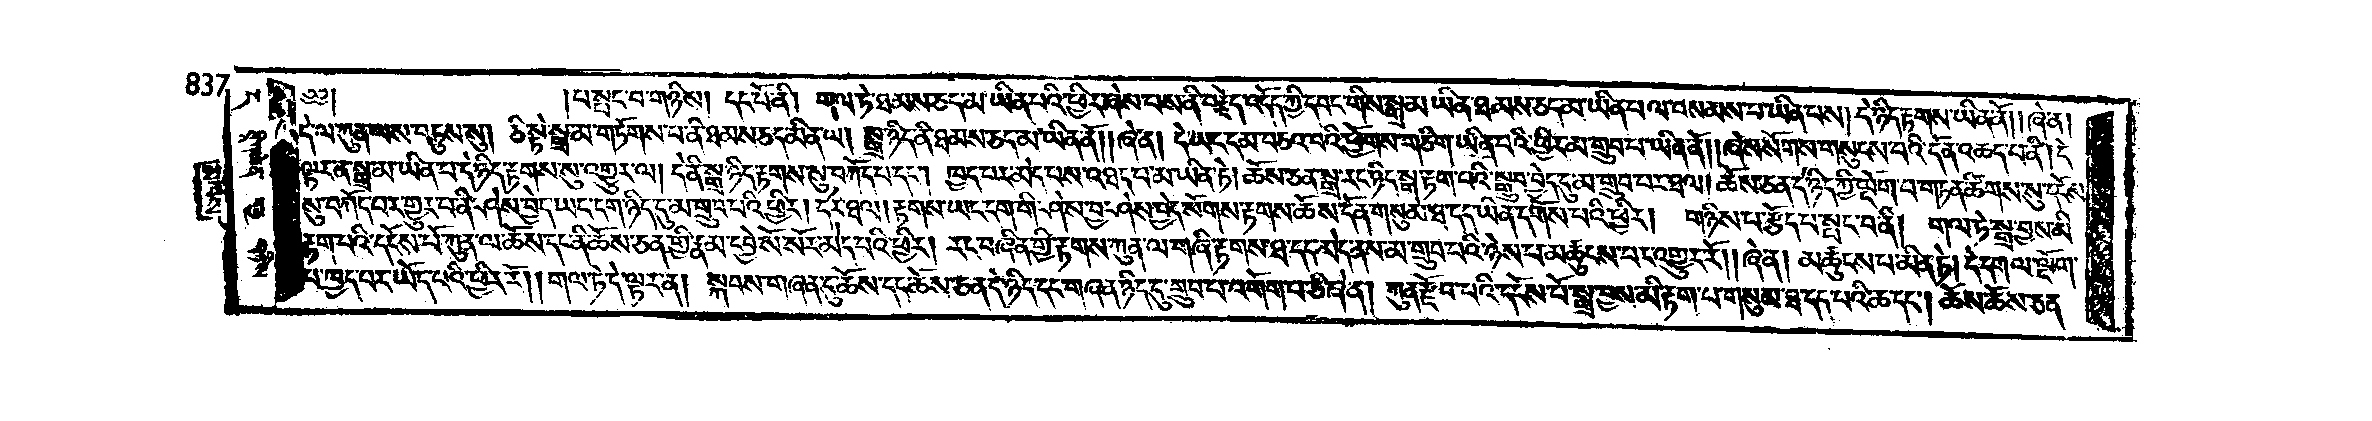༄༅། །པ་སྤང་བ་གཉིས། དང་པོ་ནི། གལ་ཏེ་ཐམས་ཅད་མ་ཡིན་པའི་ཕྱིར་ཞེས་པས་ནི་བརྗོད་འདོད་ཀྱི་དབང་གིས་སྒྲ་མ་ཡིན་ཐམས་ཅད་མ་ཡིན་པ་ལ་བསམས་པ་ཡིན་པས། དེ་ཉིད་རྟགས་ཡིན་ནོ། །ཞེ་ན།
དེ་ལ་ཀུན་ལས་བཏུས་སུ། ཅི་སྟེ་སྒྲ་མ་གཏོགས་པ་ནི་ཐམས་ཅད་མིན་ལ། སྒྲ་ཉིད་ནི་ཐམས་ཅད་མ་ཡིན་ནོ། །ཞེ་ན། དེ་ཡང་དམ་བཅའ་བའི་ཕྱོགས་གཅིག་ཡིན་པའི་ཕྱིར་མ་གྲུབ་པ་ཡིན་ནོ། །ཞེས་སོགས་གསུངས་པའི་དོན་འཆད་པ་ནི། དེ་
ལྟར་ན་སྒྲ་མ་ཡིན་པ་དེ་ཉིད་རྟག་སུ་འགྱུར་ལ། དེ་ནི་སྒྲ་ཉིད་རྟག་སུ་བཀོད་པ་དང་། ཁྱད་པར་མེད་པས་འཐད་པ་མ་ཡིན་ཏེ། ཆོས་ཅན་སྒྲ་རང་ཉིད་སྒྲ་རྟག་པའི་སྒྲུབ་བྱེད་དུ་མ་གྲུབ་པར་ཐལ། ཆོས་ཅན་དེ་ཉིད་ཀྱི་ལྡོག་པ་གཏན་ཚིགས་སུ་དངོས་
སུ་བཀོད་པར་གྱུར་བ་ནི་ཤེས་བྱེད་ཡང་དག་ཉིད་དུ་མ་གྲུབ་པའི་ཕྱིར། དེར་ཐལ། རྟགས་ཡང་དག་གི་ཤེས་བྱ་ཤེས་བྱེད་སོགས་རྟགས་ཆོས་དོན་གསུམ་ཐ་དད་ཡིན་དགོས་པའི་ཕྱིར། གཉིས་པ་རྩོད་པ་སྤང་བ་ནི། གལ་ཏེ་སྒྲ་བྱས་མི་
རྟག་པའི་དངོས་པོ་ཀུན་ལ་ཆོས་དང་ནི་ཆོས་ཅན་གྱི་རྣམ་དབྱེ་སོ་སོར་མེད་པའི་ཕྱིར། རང་བཞིན་གྱི་རྟགས་ཀུན་ལ་གཞི་རྟགས་ཐ་དད་མེད་ནས་མ་གྲུབ་པའི་ཉེས་པ་མཚུངས་པར་འགྱུར་རོ། །ཞེ་ན། མཚུངས་པ་མིན་ཏེ། དེ་དག་ལ་ལྡོག་
པ་ཁྱད་པར་ཡོད་པའི་ཕྱིར་རོ། །གལ་ཏེ་དེ་ལྟར་ན། སྐབས་གཞན་དུ་ཆོས་དང་ཆོས་ཅན་དེ་ཉིད་དང་གཞན་ཉིད་དུ་གྲུབ་པ་འགོག་པ་ཅི་ཞེ་ན། ཀུན་རྫོབ་པའི་དངོས་པོ་སྒྲ་བྱས་མི་རྟག་པ་གསུམ་ཐ་དད་པའི་ཆ་དང་། ཆོས་ཆོས་ཅན་